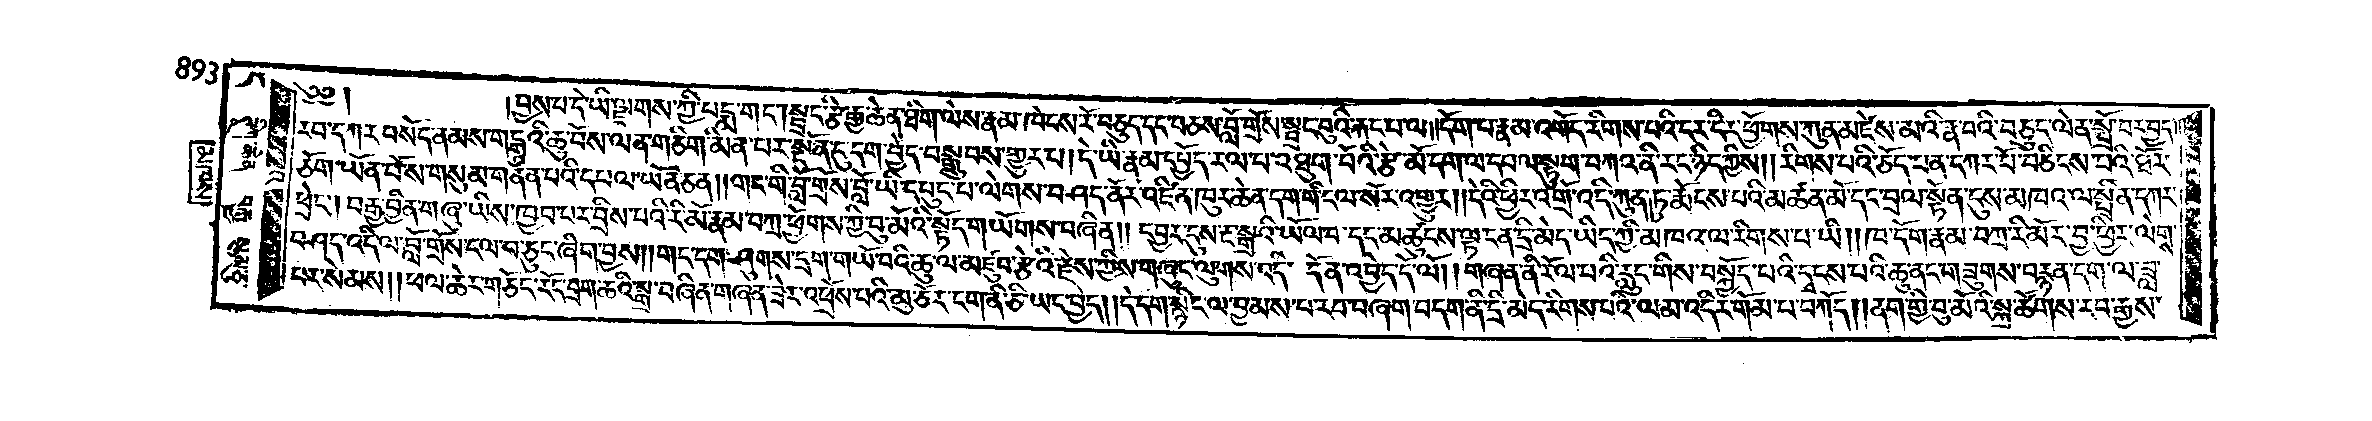༄༅། །བྱས་པ་དེ་ཡི་ལྗགས་ཀྱི་པད་མ་གང་། སྦྲང་རྩི་རྒྱ་ཆེན་ཐིག་ལེས་རྣམ་ཁེངས་རོ་བཅུད་དང་བཅས་བློ་གྲོས་སྦྲང་བུའི་རྐང་པ་ལ། །དོག་པ་རྣམ་འགོད་རིགས་པའི་དར་དིར་ཕྱོགས་ཀུན་མཛེས་མའི་རྣ་བའི་བཅུད་ལེན་སྤྲོ་བར་བྱེད།
རབ་དཀར་བསོད་ནམས་གང་གའི་ཆུ་བོས་ལན་གཅིག་མིན་པར་སྔོན་དུ་དག་བྱེད་བསྒྲུབས་གྱུར་པ། དེ་ཡི་རྣམ་དཔྱོད་རལ་བ་འཐུག་པོའི་རྩེ་མོ་དག་ལ་དཔལ་སྟུག་བཀའ་ནི་རང་ཉིད་ཀྱིས། རིགས་པའི་ཅོད་པན་དཀར་པོ་བཅིངས་པའི་ཐོར་
ཅོག་ཡོན་པོ་ས་གསུམ་གནོན་པའི་དཔལ་ཡོན་ཅན། །གང་གི་བློ་གྲོས་བློ་ཡི་དཔུང་པ་ལེགས་བཤད་ནོར་འཛིན་ཁུར་ཆེན་དག་གི་ངལ་སོར་འགྱུར། །དེའི་ཕྱིར་འགྲོ་འདི་ཀུན་ཏུ་རྨོངས་པའི་མཚན་མོ་དང་བྲལ་སྟོན་དུས་མཁའ་ལ་སྤྲིན་དཀར་
ཕྲེང་། བརྒྱ་བྱིན་གཞུ་ཡིས་ཁྱབ་པར་བྲིས་པའི་རི་མོ་རྣམ་བཀྲ་ཕྱོགས་ཀྱི་བུ་མོའི་སྟོད་གྱོགས་བཞིན། །དབྱར་དུས་རྔ་སྒྲའི་ཡོལ་བ་དང་མཚུངས་ལྟ་ངན་དྲི་མེད་ཡིད་ཀྱི་མཁའ་ལ་རིགས་པ་ཡི། །ཁ་དོག་རྣམ་བཀྲ་རི་མོར་བྱ་ཕྱིར་ལེགས་
བཤད་འདི་ལ་བློ་གྲོས་ངལ་བ་ཅུང་ཞིག་བྱས། །གང་དག་ཤུགས་དྲག་གྱོ་བའི་ཆུ་ལ་མཛུབ་རྩེའི་རྗེས་ཀྱིས་གཞུང་ལུགས་འདི་དོན་འབྱེད་དོ་ལོ། །གཞན་ནི་རོལ་བའི་རླུང་གིས་བསྐྱོད་པའི་དངས་པའི་ཆུ་ནང་གཟུགས་བརྙན་དག་ལ་ཟླ་
བར་སེམས། །ཕལ་ཆེར་གཅོང་རོང་བྲག་ཆའི་སྒྲ་བཞིན་གཞན་ཟེར་འཕྲོས་པའི་མུ་ཅོར་ངག་ནི་ཅི་ཡང་བྱེད། །དེ་དག་སྙིང་ལ་བྱམས་པར་རབ་བཞག་བདག་ནི་དྲི་མེད་རིགས་པའི་ལམ་འདིར་གོམ་པ་བཀོད། །ནག་གྱི་བུ་མོའི་སྐྲ་ཚོགས་རབ་རྒྱས་